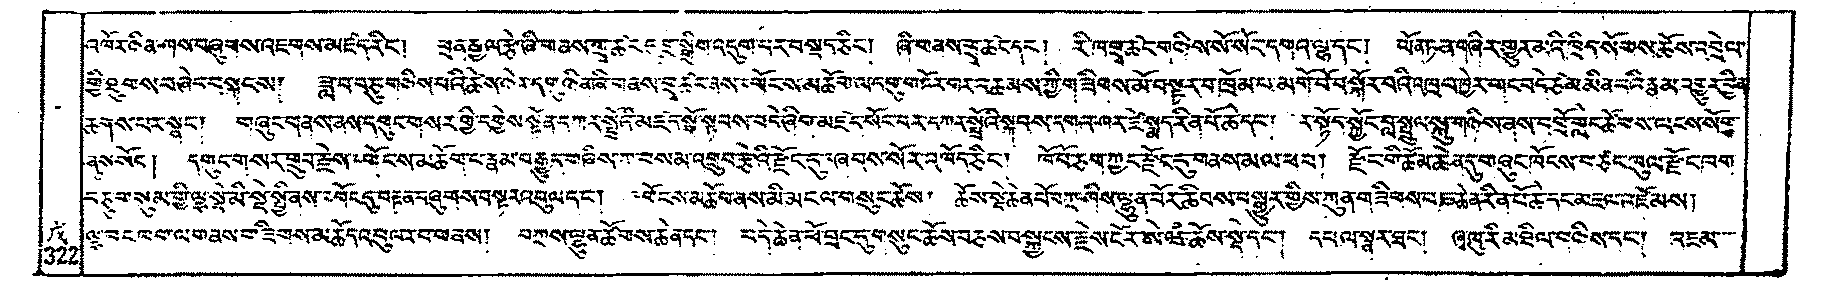འཁོར་ཉིན་ཤས་བཞུགས་འཇགས་མཛད་རིང་། ཕྲན་རྒྱལ་རྩེ་ཞི་གནས་གྲྭ་ཚང་དུ་གྲ་སྒྲིག་འདུག་པར་བསྡད་ཅིང་། ཞི་གནས་གྲྭ་ཚང་དང་། རི་ཁ་གྲྭ་ཚང་གཉིས་སོ་སོར་དགའ་ལྷ་དང་། ཡོན་ཏན་གཞིར་གྱུར་མའི་ཁྲིད་སོགས་ཆོས་འབྲེལ་
གྱི་ཐུགས་བཞེད་བསྐངས། ཟླ་བ་བཅུ་གཉིས་པའི་ཚེས་ཉེར་དགུ་ཉིན་ཞི་གནས་གྲྭ་ཚང་ནས་༧གོང་ས་མཆོག་ལ་དགུ་གཏོར་གར་འཆམས་ཀྱི་གཟིགས་མོ་བསྟར་བ་ཁྲོམ་པ་མགོ་བོ་བསྐོར་བའི་འཁྲབ་ཁྱེར་གང་བདེ་ཙམ་མིན་པའི་རྣམ་འགྱུར་བྱིན་
ཆགས་པར་སྣང་། གཞུང་གནས་ནས་དགུང་གསར་གྱི་དགྱེས་སྟོན་དཀར་སྤྲོའི་མཛད་སྒོ་སྟབས་བདེ་ཞིག་མཛད་སོང་བར་དཀར་སྤྲོའི་སྐབས་དགའ་ཤར་ཛེ་སྨད་རིན་པོ་ཆེ་དང་། ར་སྟོད་སྐྱོང་བླ་སྤྲུལ་སྐུ་གཉིས་ནས་བགྲོ་གླེང་ཚོགས་ལངས་སོགས་
ཞུས་སོང་། དགུང་གསར་གྲུབ་རྗེས་༧གོང་ས་མཆོག་པ་རྣམ་བརྒྱུད་གཞིས་ཀ་བསམ་འགྲུབ་རྩེའི་རྫོང་དུ་༧ཞབས་སོར་འཁོད་ཅིང་། ཁོ་བོ་ཅག་ཀྱང་རྫོང་དུ་གནས་མལ་ཕབ། རྫོང་གི་ཚོམ་ཆེན་དུ་གཞུང་ཁོངས་གཙང་ཁུལ་རྫོང་ཁག་
བཅུ་གསུམ་གྱི་ལྷ་སྡེ་མི་སྡེ་སྤྱི་ནས་༧གོང་དུ་བརྟན་བཞུགས་བསྟར་འབུལ་དང་། ༧གོང་ས་མཆོག་ནས་མི་མངལ་གསུང་ཆོས། ཆོས་སྡེ་ཆེན་པོ་བཀྲ་ཤིས་ལྷུན་པོར་ཆིབས་བསྒྱུར་གྱིས་ཀུན་གཟིགས་པཎ་ཆེན་རིན་པོ་ཆེ་དང་མཇལ་འཛོམས།
ལྷ་ཁང་ཁག་ལ་གནས་གཟིགས་མཆོད་འབུལ་རབ་གནས། བཀྲས་ལྷུན་ཚོགས་ཆེན་དང་། བདེ་ཆེན་ཕོ་བྲང་དུ་གསུང་ཆོས་བཅས་བསྐྱངས་རྗེས་ངོར་ཨེ་ཝཾ་ཆོས་སྡེ་དང་། དཔལ་སྣར་ཐང་། ཞྭ་ལུ་རི་མཐིལ་གཉིས་དང་། འཇམ་